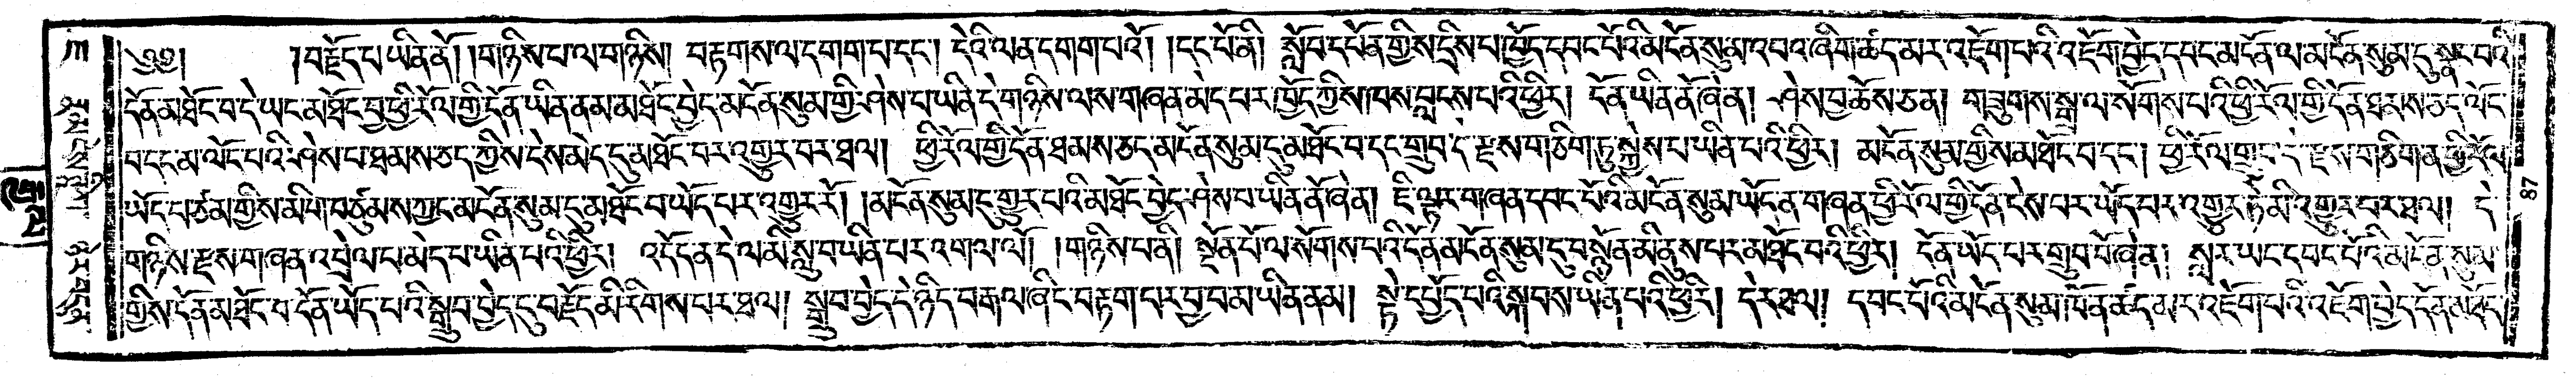༄༅། །བརྗོད་པ་ཡིན་ནོ། །གཉིས་པ་ལ་གཉིས། བརྟགས་ལ་དགག་པ་དང་། དེའི་ལན་དགག་པའོ། །དང་པོ་ནི། སློབ་དཔོན་གྱིས་དྲིས་པ་ཁྱོད་དབང་པོའི་མངོན་སུམ་འབའ་ཞིག་ཚད་མར་འཇོག་པའི་འཇོག་བྱེད་དབང་མངོན་ལ་མངོན་སུམ་དུ་སྣང་བའི་
དོན་མཐོང་བ་དེ་ཡང་མཐོང་བྱ་ཕྱི་རོལ་གྱི་དོན་ཡིན་ནམ་མཐོང་བྱེད་མངོན་སུམ་གྱི་ཤེས་པ་ཡིན་དེ་གཉིས་ལས་གཞན་མེད་པར་ཁྱོད་ཀྱིས་ཁས་བླངས་པའི་ཕྱིར། དོན་ཡིན་ནོ་ཞེ་ན། ཤེས་བྱ་ཆོས་ཅན། གཟུགས་སྒྲ་ལ་སོགས་པའི་ཕྱི་རོལ་གྱི་དོན་ཐམས་ཅད་ལོང་
བ་དང་མ་ལོང་པའི་ཤེས་པ་ཐམས་ཅད་ཀྱིས་ངེས་མེད་དུ་མཐོང་བར་འགྱུར་བར་ཐལ། ཕྱི་རོལ་གྱི་དོན་ཐམས་ཅད་མངོན་སུམ་དུ་མཐོང་བ་དང་གྲུབ་དེ་རྫས་གཅིག་ཏུ་སྐྱེས་པ་ཡིན་པའི་ཕྱིར། མངོན་སུམ་གྱིས་མཐོང་བ་དང་། ཕྱི་རོལ་གྲུབ་དེ་རྫས་གཅིག་ན་ཕྱི་རོལ་
ཡོད་པ་ཙམ་གྱིས་མིག་བཙུམས་ཀྱང་མངོན་སུམ་དུ་མཐོང་བ་ཡོད་པར་འགྱུར་རོ། །མངོན་སུམ་དུ་གྱུར་པའི་མཐོང་བྱེད་ཤེས་པ་ཡིན་ནོ་ཞེ་ན། ཇི་ལྟར་གཞན་དབང་པོའི་མངོན་སུམ་ཡོད་ན་གཞན་ཕྱི་རོལ་གྱི་དོན་ངེས་པར་ཡོད་པར་འགྱུར་ཏེ་མི་འགྱུར་བར་ཐལ། དེ་
གཉིས་རྫས་གཞན་འབྲེལ་པ་མེད་པ་ཡིན་པའི་ཕྱིར། འདོད་ན་དེ་ལ་མི་སླུ་བ་ཡིན་པར་འགལ་ལོ། །གཉིས་པ་ནི། སྔོན་པོ་ལ་སོགས་པའི་དོན་མངོན་སུམ་དུ་བསྙོན་མི་ནུས་པར་མཐོང་བའི་ཕྱིར། དོན་ཡོད་པར་གྲུབ་བོ་ཞེ་ན། སླར་ཡང་དབང་པོའི་མངོན་སུམ་
གྱིས་དོན་མཐོང་བ་དོན་ཡོད་པའི་སྒྲུབ་བྱེད་དུ་བརྗོད་མི་རིགས་པར་ཐལ། སྒྲུབ་བྱེད་དེ་ཉིད་བརྒལ་ཞིང་བརྟག་པར་བྱ་བ་མ་ཡིན་ནམ། སྟེ་དཔྱོད་པའི་སྐབས་ཡིན་པའི་ཕྱིར། དེར་ཐལ། དབང་པོའི་མངོན་སུམ་ཁོ་ན་ཚད་མར་འཇོག་པའི་འཇོག་བྱེད་དོན་མཐོང་